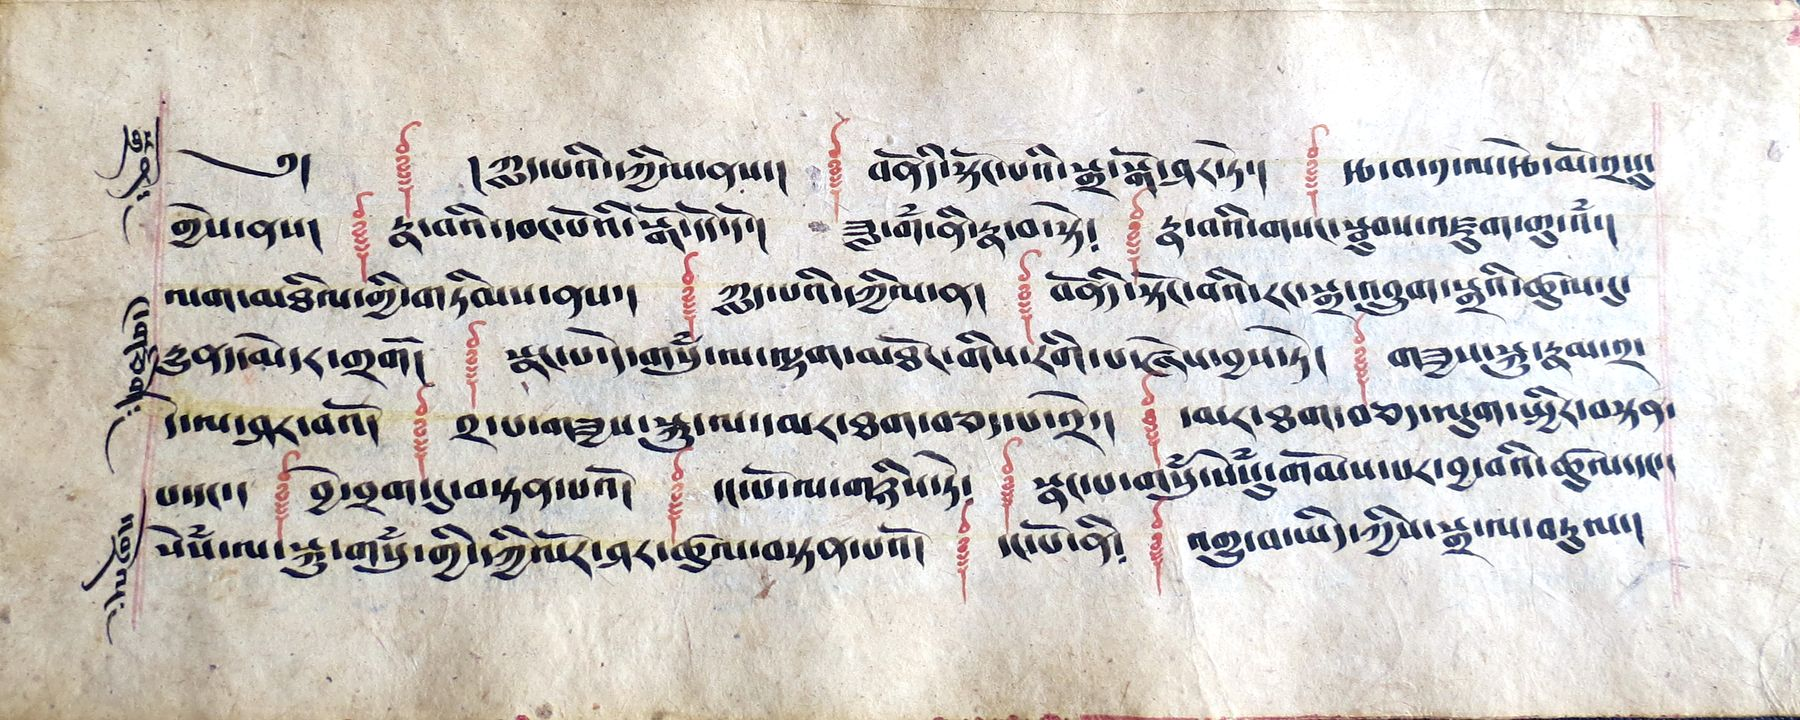ཀླད་པའི་དཀྱིལ་ནས། བོན་ཉིད་སྟོང་པའི་སྒྲ་སྒོ་ཤར་ཏེ། རྩ་བ་གཅིག་ལ་རྩེ་མོ་གཉིས་སུ་
གྱེས་ནས། རྣ་བའི་དབང་པོའི་སྒོ་དོད་དོ། །ཟླ་གམ་ནི་རྣ་བ་སྟེ། རྣ་བའི་གསང་སྦུབས་འཛུབ་གུའམ། 
ལག་མཐིལ་གྱིས་གཏེམས་{ལྟེབ}ན། ཀླད་པའི་དཀྱིལ་ན། བོན་ཉིད་སྟོང་པའི་རང་སྒྲ་འབྲུག་སྒྲའི་ཚུལ་དུ་
རྒྱུན་ཆད་མེད་པར་གྲག་གོ། སྣང་བ་དེ་གསུམ་ལ་ལྷག་མཐོང་གི་རིག་པ་ཞེས་བྱ་སྟེ། གཟུགས་སྐུ་རྣམ་གཉིས་
དེ་ལ་ཤར་བའོ། །གཉིས་པ་གཟུགས་སྐུ་ལ་དམར་ཐག་བཅད་པ་གཉིས་ཏེ། དམར་ཐག་བཅད་ལུགས་སྤྱིར་བསྟན་
པ་དང་། བྱེ་བྲག་ཏུ་བསྟན་པའོ། །དང་པོ་ལ་གཉིས་ཏེ། སྣང་བ་གསུམ་སེམས་སུ་གོམས་པར་བྱ་བའི་ཚུལ་དང་། 
སེམས་ལ་སྐུ་གསུམ་གྱི་དཀྱིལ་འཁོར་ཤར་ཚུལ་བསྟན་པའོ། །དང་པོ་ནི་འགྱུ་བའི་ཡིད་ནི་སྒྲ་ལ་བཏུལ།